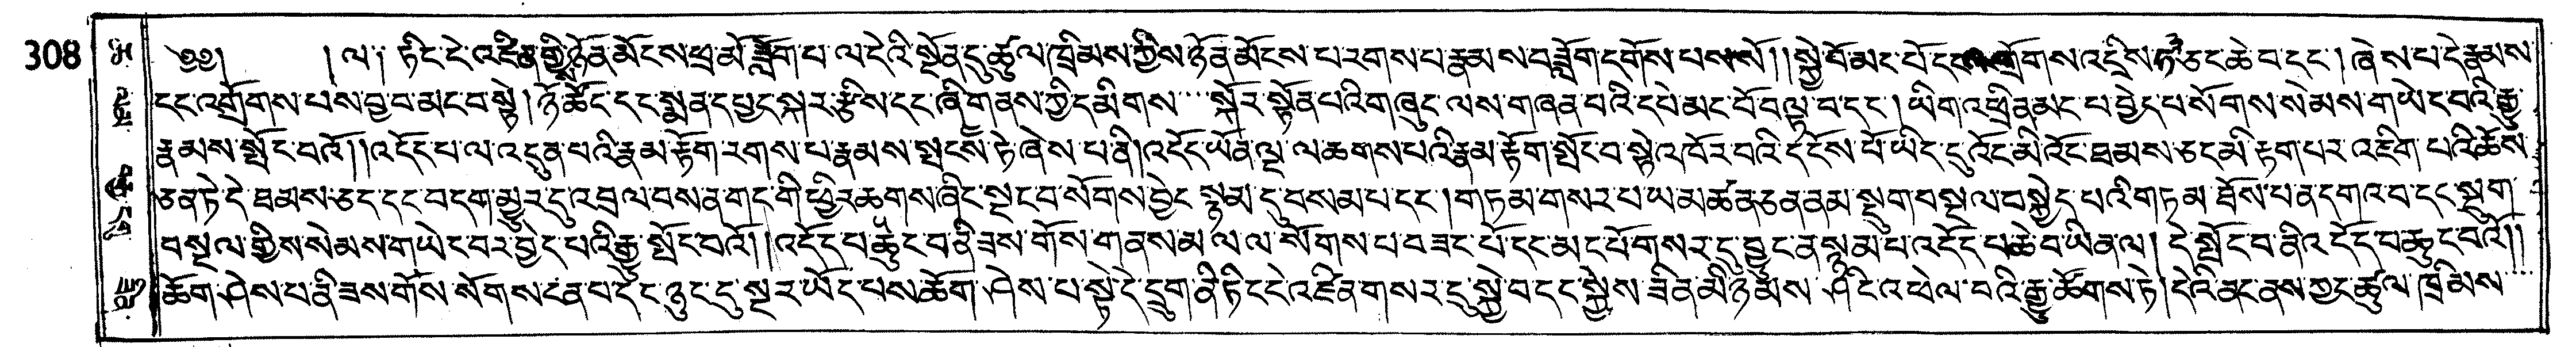༄༅། །ལ༑ ཏིང་ངེ་འཛིན་གྱིས་ཉོན་མོངས་ཕྲ་མོ་ཟློག་པ་ལ་དེའི་སྔོན་དུ་ཚུལ་ཁྲིམས་ཀྱིས་ཉོན་མོངས་པ་རགས་པ་རྣམས་བཟློག་དགོས་པས་སོ། །སྐྱེ་བོ་མང་པོ་དང་འགྲོགས་འདྲིས་ཧ་ཅང་ཆེ་བ་དང་། ཞེས་པ་དེ་རྣམས་
དང་འགྲོགས་པས་བྱ་བ་མང་བ་སྟེ། ཉོ་ཚོང་དང་སྨན་དཔྱད་སྐར་རྩིས་དང་ཞི་གནས་ཀྱི་དམིགས་སྐོར་སྟོན་པའི་གཞུང་ལས་གཞན་པའི་དཔེ་མང་པོ་བལྟ་བ་དང་། ཡིག་འཕྲིན་མང་པ་བྱེད་པ་སོགས་སེམས་གཡེང་བའི་རྒྱུ་
རྣམས་སྤོང་བའོ། །འདོད་པ་ལ་འདུན་པའི་རྣམ་རྟོག་རགས་པ་རྣམས་སྤངས་ཏེ་ཞེས་པ་ནི། འདོད་ཡོན་ལྔ་ལ་ཆགས་པའི་རྣམ་རྟོག་སྤོང་བ་སྟེ་འཁོར་བའི་དངོས་པོ་ཡིད་དུ་འོང་མི་འོང་ཐམས་ཅད་མི་རྟག་པར་འཇིག་པའི་ཆོས་
ཅན་ཏེ་དེ་ཐམས་ཅད་དང་བདག་མྱུར་དུ་འབྲལ་བས་ན་གང་གི་ཕྱིར་ཆགས་ཞིང་སྡང་བ་སོགས་བྱེད་སྙམ་དུ་བསམ་པ་དང་། གཏམ་གསར་པ་ཡ་མཚན་ཅན་ནམ་སྡུག་བསྔལ་བསྐྱེད་པའི་གཏམ་ཐོས་པ་ན་དགའ་བ་དང་སྡུག་
བསྔལ་གྱིས་སེམས་གཡེང་བར་བྱེད་པའི་རྒྱུ་སྤོང་བའོ། །འདོད་པ་ཆུང་བ་ནི་ཟས་གོས་གནས་མལ་ལ་སོགས་པ་བཟང་པོ་དང་མང་པོ་གསར་དུ་བྱུང་ན་སྙམ་པ་འདོད་པ་ཆེ་བ་ཡིན་ལ། དེ་སྤོང་བ་ནི་འདོད་བ་ཆུང་བའོ། །
ཆོག་ཤེས་པ་ནི་ཟས་གོས་སོགས་ངན་པ་དང་ཉུང་དུ་སྔར་ཡོད་པས་ཆོག་ཤེས་པ་སྟེ་དེ་དྲུག་ནི་ཏིང་ངེ་འཛིན་གསར་དུ་སྐྱེ་བ་དང་སྐྱེས་ཟིན་མི་ཉམས་ཤིང་འཕེལ་བའི་རྒྱུ་ཚོགས་ཏེ། དེའི་ནང་ནས་ཀྱང་ཚུལ་ཁྲིམས་